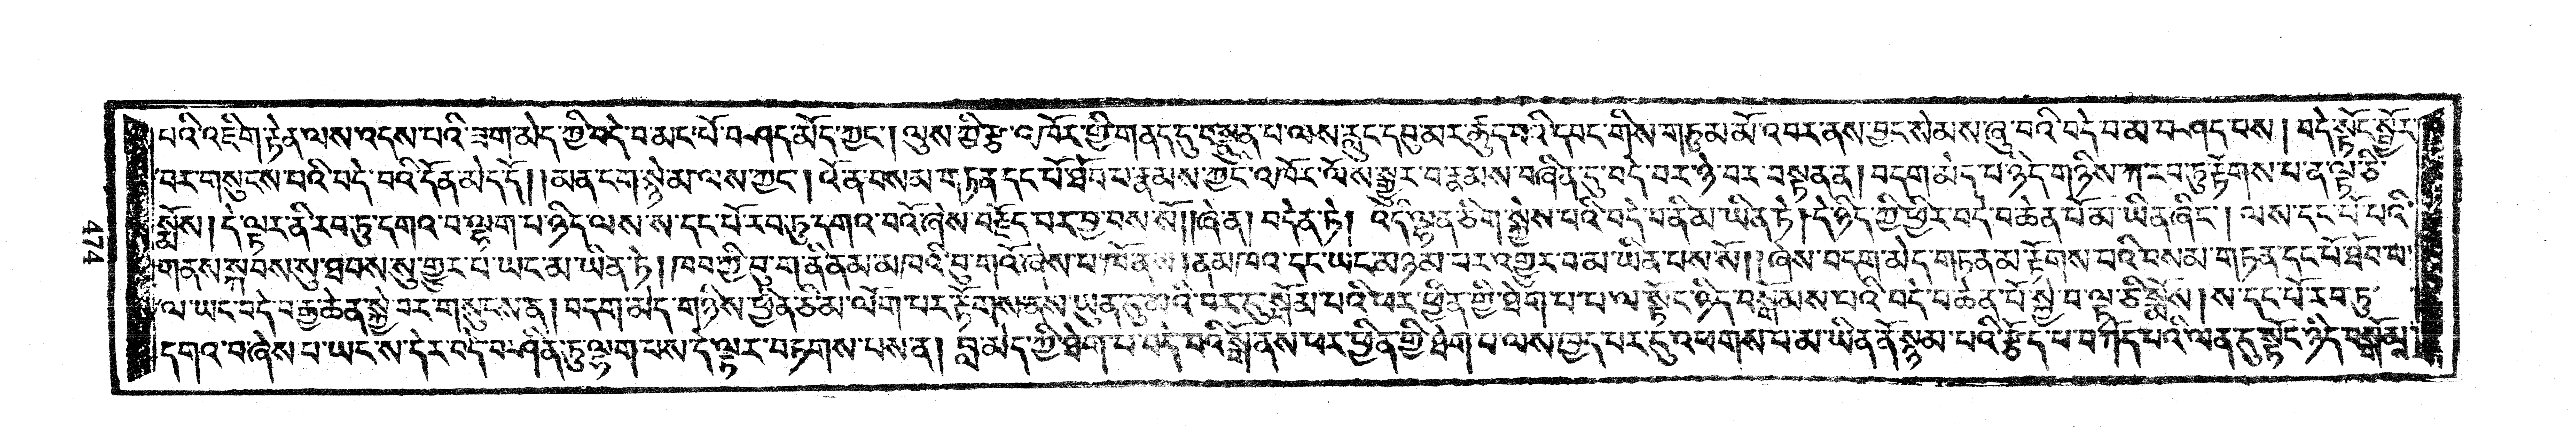པའི་འཇིག་རྟེན་ལས་འདས་པའི་ཟག་མེད་ཀྱི་བདེ་བ་མང་པོ་བཤད་མོད་ཀྱང་། ལུས་ཀྱི་རྩ་འཁོར་གྱི་གནད་དུ་བསྣུན་པ་ལས་རླུང་དབུ་མར་ཚུད་པའི་དབང་གིས་གཏུམ་མོ་འབར་ནས་བྱང་སེམས་ཞུ་བའི་བདེ་བ་མ་བཤད་པས། བདེ་སྟོང་སྦྱོར་
བར་གསུངས་པའི་བདེ་བའི་དོན་མེད་དེ། །མན་ངག་སྙེ་མ་ལས་ཀྱང་། འོ་ན་བསམ་གཏན་དང་པོ་ཐོབ་པ་རྣམས་ཀྱང་འཁོར་ལོས་སྒྱུར་བ་རྣམས་བཞིན་དུ་བདེ་བར་ཉེ་བར་བསྟན་ན། བདག་མེད་པ་ཉིད་གཉིས་ཀ་རབ་ཏུ་རྟོགས་པ་ན་ལྟ་ཅི་
སྨོས། དེ་ལྟར་ནི་རབ་ཏུ་དགའ་བ་ལྷག་པ་ཉིད་ལས་ས་དང་པོ་རབ་ཏུ་དགའ་བའོ་ཞེས་བརྗོད་པར་བྱ་བས་སོ། །ཞེ་ན། བདེན་ཏེ། འདི་ལྷན་ཅིག་སྐྱེས་པའི་བདེ་བ་ནི་མ་ཡིན་ཏེ། དེ་ཉིད་ཀྱི་ཕྱིར་བདེ་བ་ཆེན་པོ་མ་ཡིན་ཞིང་། ལས་དང་པོ་པའི་
གནས་སྐབས་སུ་ཐབས་སུ་གྱུར་པ་ཡང་མ་ཡིན་ཏེ། ཁབ་ཀྱི་བུ་ག་ནི་ནམ་མཁའི་བུ་གའོ་ཞེས་པ་ཁོ་ནས། ནམ་མཁའ་དང་ཡང་མཉམ་པར་འགྱུར་བ་མ་ཡིན་པས་སོ། །ཞེས་བདག་མེད་གཏན་མ་རྟོགས་པའི་བསམ་གཏན་དང་པོ་ཐོབ་པ་
ལ་ཡང་བདེ་བ་རྒྱ་ཆེན་སྐྱེ་བར་གསུངས་ན། བདག་མེད་གཉིས་ཕྱིན་ཅི་མ་ལོག་པར་རྟོགས་ནས་ཡུན་དུ་མའི་བར་དུ་སྒོམ་པའི་ཕར་ཕྱིན་གྱི་ཐེག་པ་པ་ལ་སྟོང་ཉིད་བསྒོམས་པའི་བདེ་བ་ཆེན་པོ་སྐྱེ་བ་ལྟ་ཅི་སྨོས། ས་དང་པོ་རབ་ཏུ་
དགའ་བ་ཞེས་པ་ཡང་ས་དེར་བདེ་བ་ཤིན་ཏུ་ལྷག་པས་དེ་ལྟར་བཏགས་པས་ན། བླ་མེད་ཀྱི་ཐེག་པ་བདེ་བའི་སྒོ་ནས་ཕར་ཕྱིན་གྱི་ཐེག་པ་ལས་ཁྱད་པར་དུ་འཕགས་པ་མ་ཡིན་ནོ་སྙམ་པའི་རྩོད་པ་བཀོད་པའི་ལན་དུ་སྟོང་ཉིད་བསྒོམས་